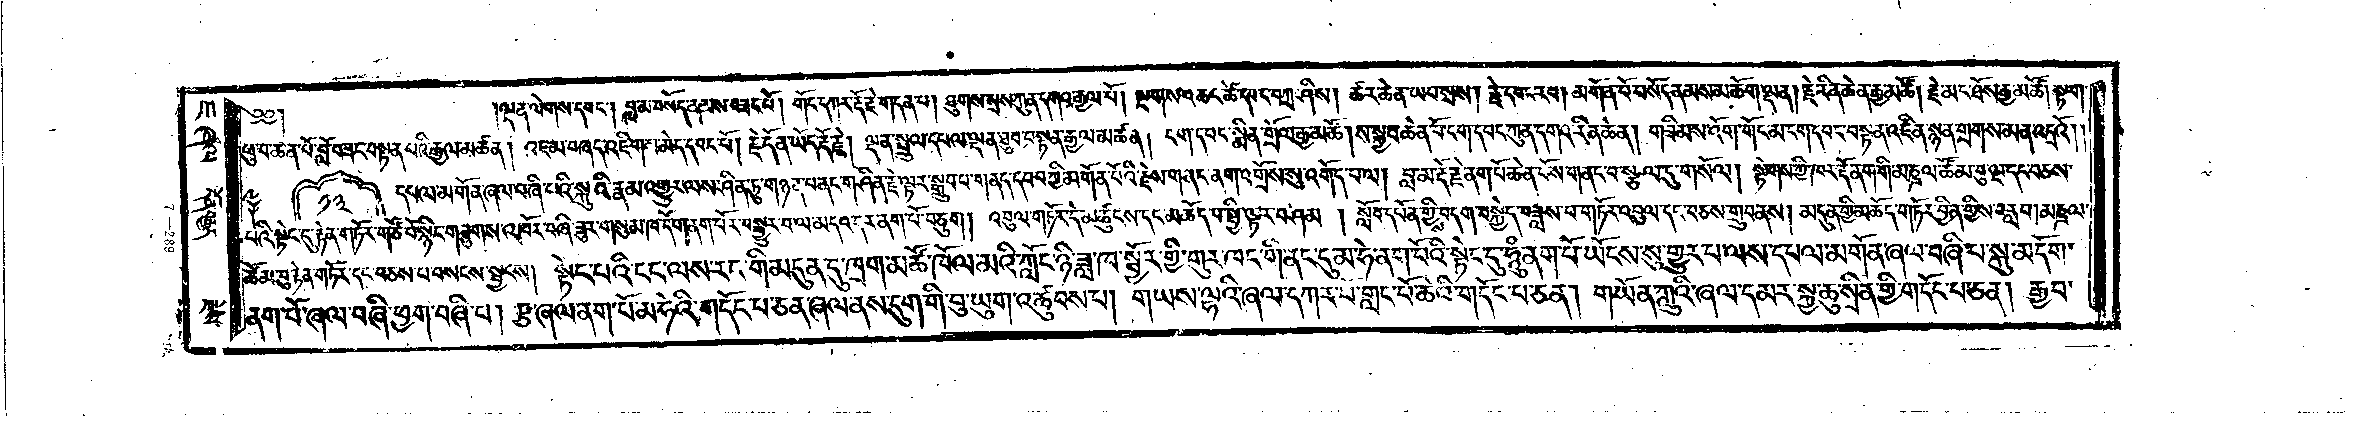༄༅། །ལྡན་ལེགས་དབང་། བླ་མ་བསོད་ནམས་བཟང་པོ། གོང་དགའ་རྡོ་རྗེ་གདན་པ། ཐུགས་སྲས་ཀུན་དགའ་རྒྱལ་པོ། སྔགས་འཆང་ཆོ་དབང་བཀྲ་ཤིས། ཚར་ཆེན་ལས་གྲས། རྗེས་དབང་བུ། མགོན་པོ་བསོད་ནམས་མཆོག་ལྡན། རྗེ་རིན་ཆེན་རྒྱ་མཚོ། རྗེ་མང་ཐོས་རྒྱ་མཚོ། སྟག་
ཕུ་བ་ཆེན་པོ་བློ་བཟང་བསྟན་པའི་རྒྱལ་མཚན། འཇམ་བཞད་འཇིགས་མེད་དབང་པོ། རྗེ་དོན་ཡོད་རྡོ་རྗེ། ལྡན་སྤྲུལ་དཔལ་ལྡན་ཐུབ་བསྟན་རྒྱལ་མཚན། ངག་དབང་སྨིན་སྒྲོལ་རྒྱ་མཚོ། ས་སྐྱ་པ་ཆེན་པོ་ངག་དབང་ཀུན་དགའ་རིན་ཆེན། གཟིམས་འོག་གོང་མ་ངག་དབང་བསྟན་འཛིན་སྙན་གྲགས་མན་འདྲའོ།།
༈ ༼༽༡༣༼༽ དཔལ་མགོན་ཞལ་བཞི་པའི་སྐུའི་རྣམ་འགྱུར་ལས་ཤིན་ཏུ་གཉན་པ་ནང་གཤིན་རྗེ་ལྟར་སྒྲུབ་པ་གནད་དབབ་ཀྱི་མགོན་པོའི་རྗེས་གནང་ནག་འགྲོས་སུ་འགོད་པ་ལ། བླ་མ་རྡོ་རྗེ་ནག་པོ་ཆེན་པོས་གནང་བསྩལ་དུ་གསོལ། སྟེགས་ཀྱི་ཁར་རྡོ་ནག་གི་མཎྜལ་ཚོམ་བུ་ལྔ་དང་བཅས་
བའི་སྟེང་དུ་རྟེན་གཏོར་གཙོ་བོ་སྙིང་གཟུགས་འཁོར་བཞི་ཟུར་གསུམ་ཁ་དོག་ནག་པོར་བསྒྱུར་བ་ལ་མདའ་དར་ནག་པོ་བཙུག །འབུལ་གཏོར་དེ་མཚུང་དང་མཆོད་པ་སྤྱི་ལྟར་བསམ། སློབ་དཔོན་གྱིས་བདག་བསྐྱེད་བཟླས་བ་གཏོར་འབུལ་དང་བཅས་གྲུབ་ནས། མདུན་གྱི་མཆོད་གཏོར་བྱིན་གྱིས་བརླབ། མཎྜལ་
ཚོམ་བུ་རྟེན་གཏོར་དང་བཅས་པ་བསངས་སྦྱངས། སྟོང་པའི་ངང་ལས་རང་གི་མདུན་དུ་ཁྲག་མཚོ་ཁོལ་མའི་ཀློང་ཉི་ཟླ་ཁ་སྦྱོར་གྱི་གུར་ཁང་གི་ནང་དུ་མ་ཧེ་ནག་པོའི་སྟེང་དུ་ཧཱུཾ་ནག་པོ་ཡོངས་སུ་གྱུར་པ་ལས་དཔལ་མགོན་ཞལ་བཞི་པ་སྐུ་མདོག་
ནག་པོ་ཞལ་བཞི་ཕྱག་བཞི་པ། རྩ་ཞལ་ནག་པོ་མ་ཧེའི་གདོང་པ་ཅན་ཞལ་ནས་དུག་གི་བུ་ཡུག་འཚུབས་པ། གཡས་ལྷའི་ཞལ་དཀར་པོ་གླང་པོ་ཆེའི་གདོང་པ་ཅན། གཡོན་གླུའི་ཞལ་དམར་སྐྱ་ཆུ་སྲིན་གྱི་གདོང་པ་ཅན། རྒྱབ་